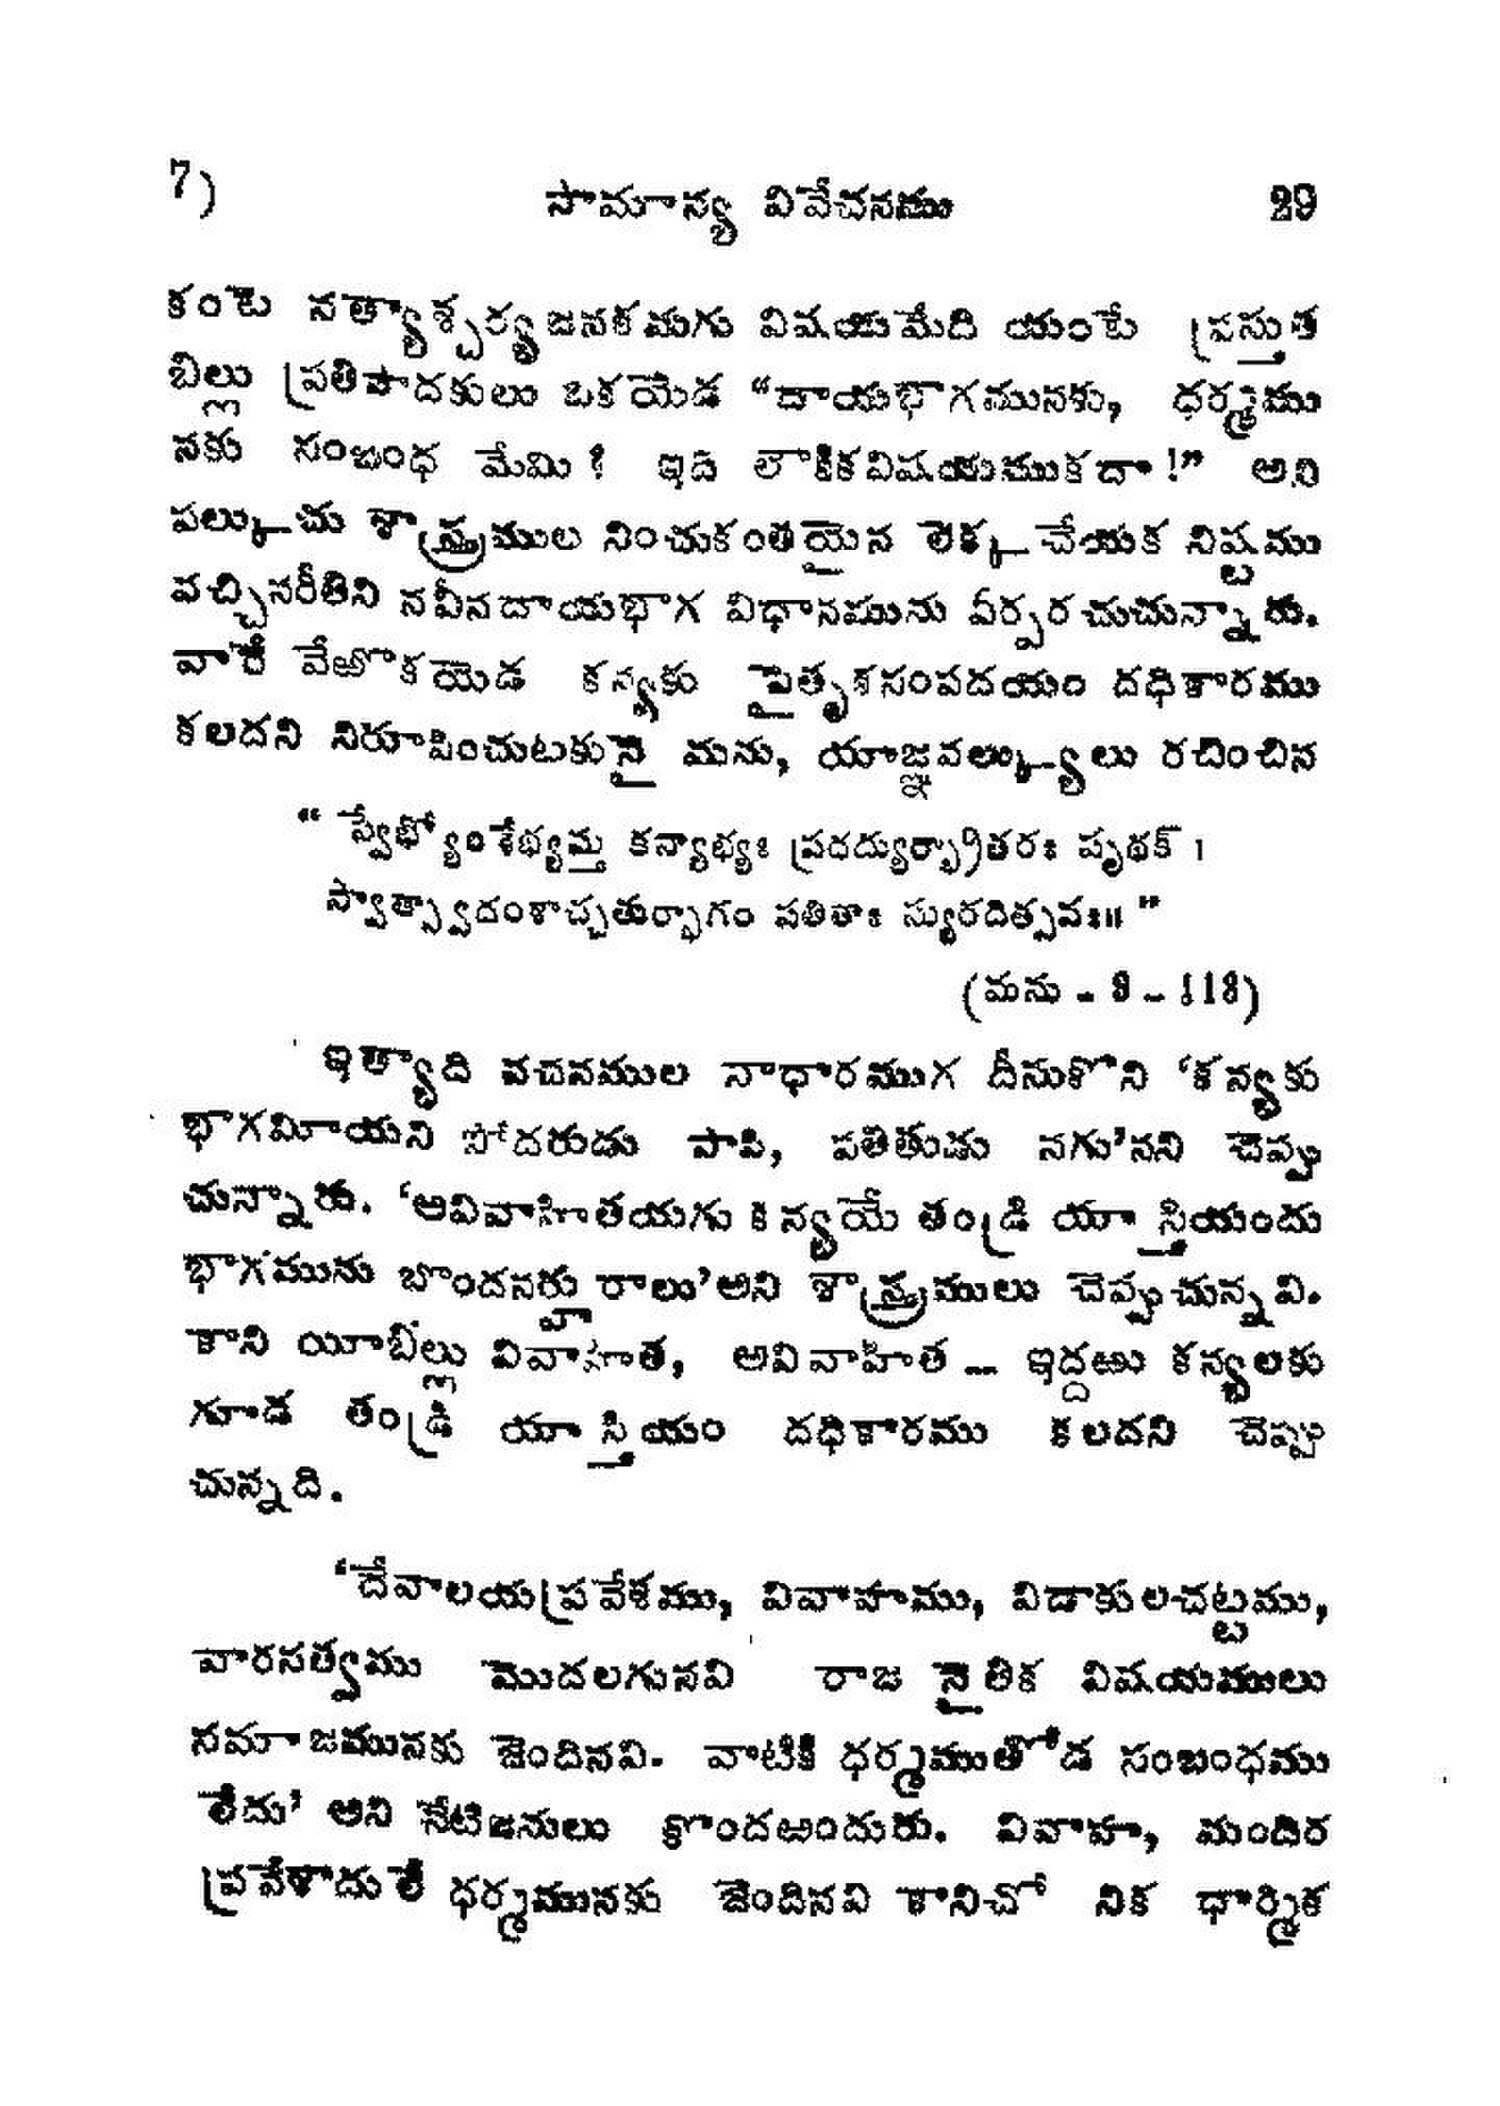కంటె నత్యాశ్చర్యజనకమగు విషయమేది యంటే ప్రస్తుత
బిల్లు ప్రతిపాదకులు ఒకయెడ “దాయభాగమునకు, ధర్మమునకు 
సంబంధ మేమి? ఇది లౌకిక విషయముకదా!" అని
పల్కుచు శాస్త్రముల నించుకంతయైన లెక్క చేయక నిష్టము
వచ్చినరీతిని నవీనదాయభాగ విధానమును ఏర్పరచుచున్నారు.
వారే వేఱొకయెడ కన్యకు పైతృకసంపదయం దధికారము
కలదని నిరూపించుటకునై మను, యాజ్ఞవల్క్యులు రచించిన

 "స్వేభ్యోంశేభ్యస్తు కన్యాభ్యః ప్రదద్యుర్భ్రాతరః పృథక్ |
 స్వాత్స్వాదంశాచ్చతుర్భాగం పతితాః స్యురదిత్సవః॥"
 (మను - 9 - 118)

ఇత్యాది వచనములు నాధారముగ దీసుకొని 'కన్యకు
భాగమీయని సోదరుడు పాపి, పతితుడు సగు'నని చెప్పు
చున్నారు. 'అవివాహితయగు కన్యయే తండ్రి యాస్తియందు
భాగమును బొందనర్హురాలు' అని శాస్త్రములు చెప్పుచున్నవి.
కాని యీబిల్లు వివాహిత, అవివాహిత ఇద్దఱు కన్యలకు
గూడ తండ్రి యాస్తి యం దధికారము కలదని చెప్పు
చున్నది.

'దేవాలయప్రవేశము, వివాహము, విడాకులచట్టము,
వారసత్వము మొదలగునవి రాజ నైతిక విషయములు
నమాజమునకు చెందినవి. వాటికి ధర్మముతోడ సంబంధము
లేదు' అని నేటిజనులు కొందఱందురు. వివాహ, మందిర
ప్రవేశాదులే ధర్మమునకు జెందినవి కానిచో నిక ధార్మిక